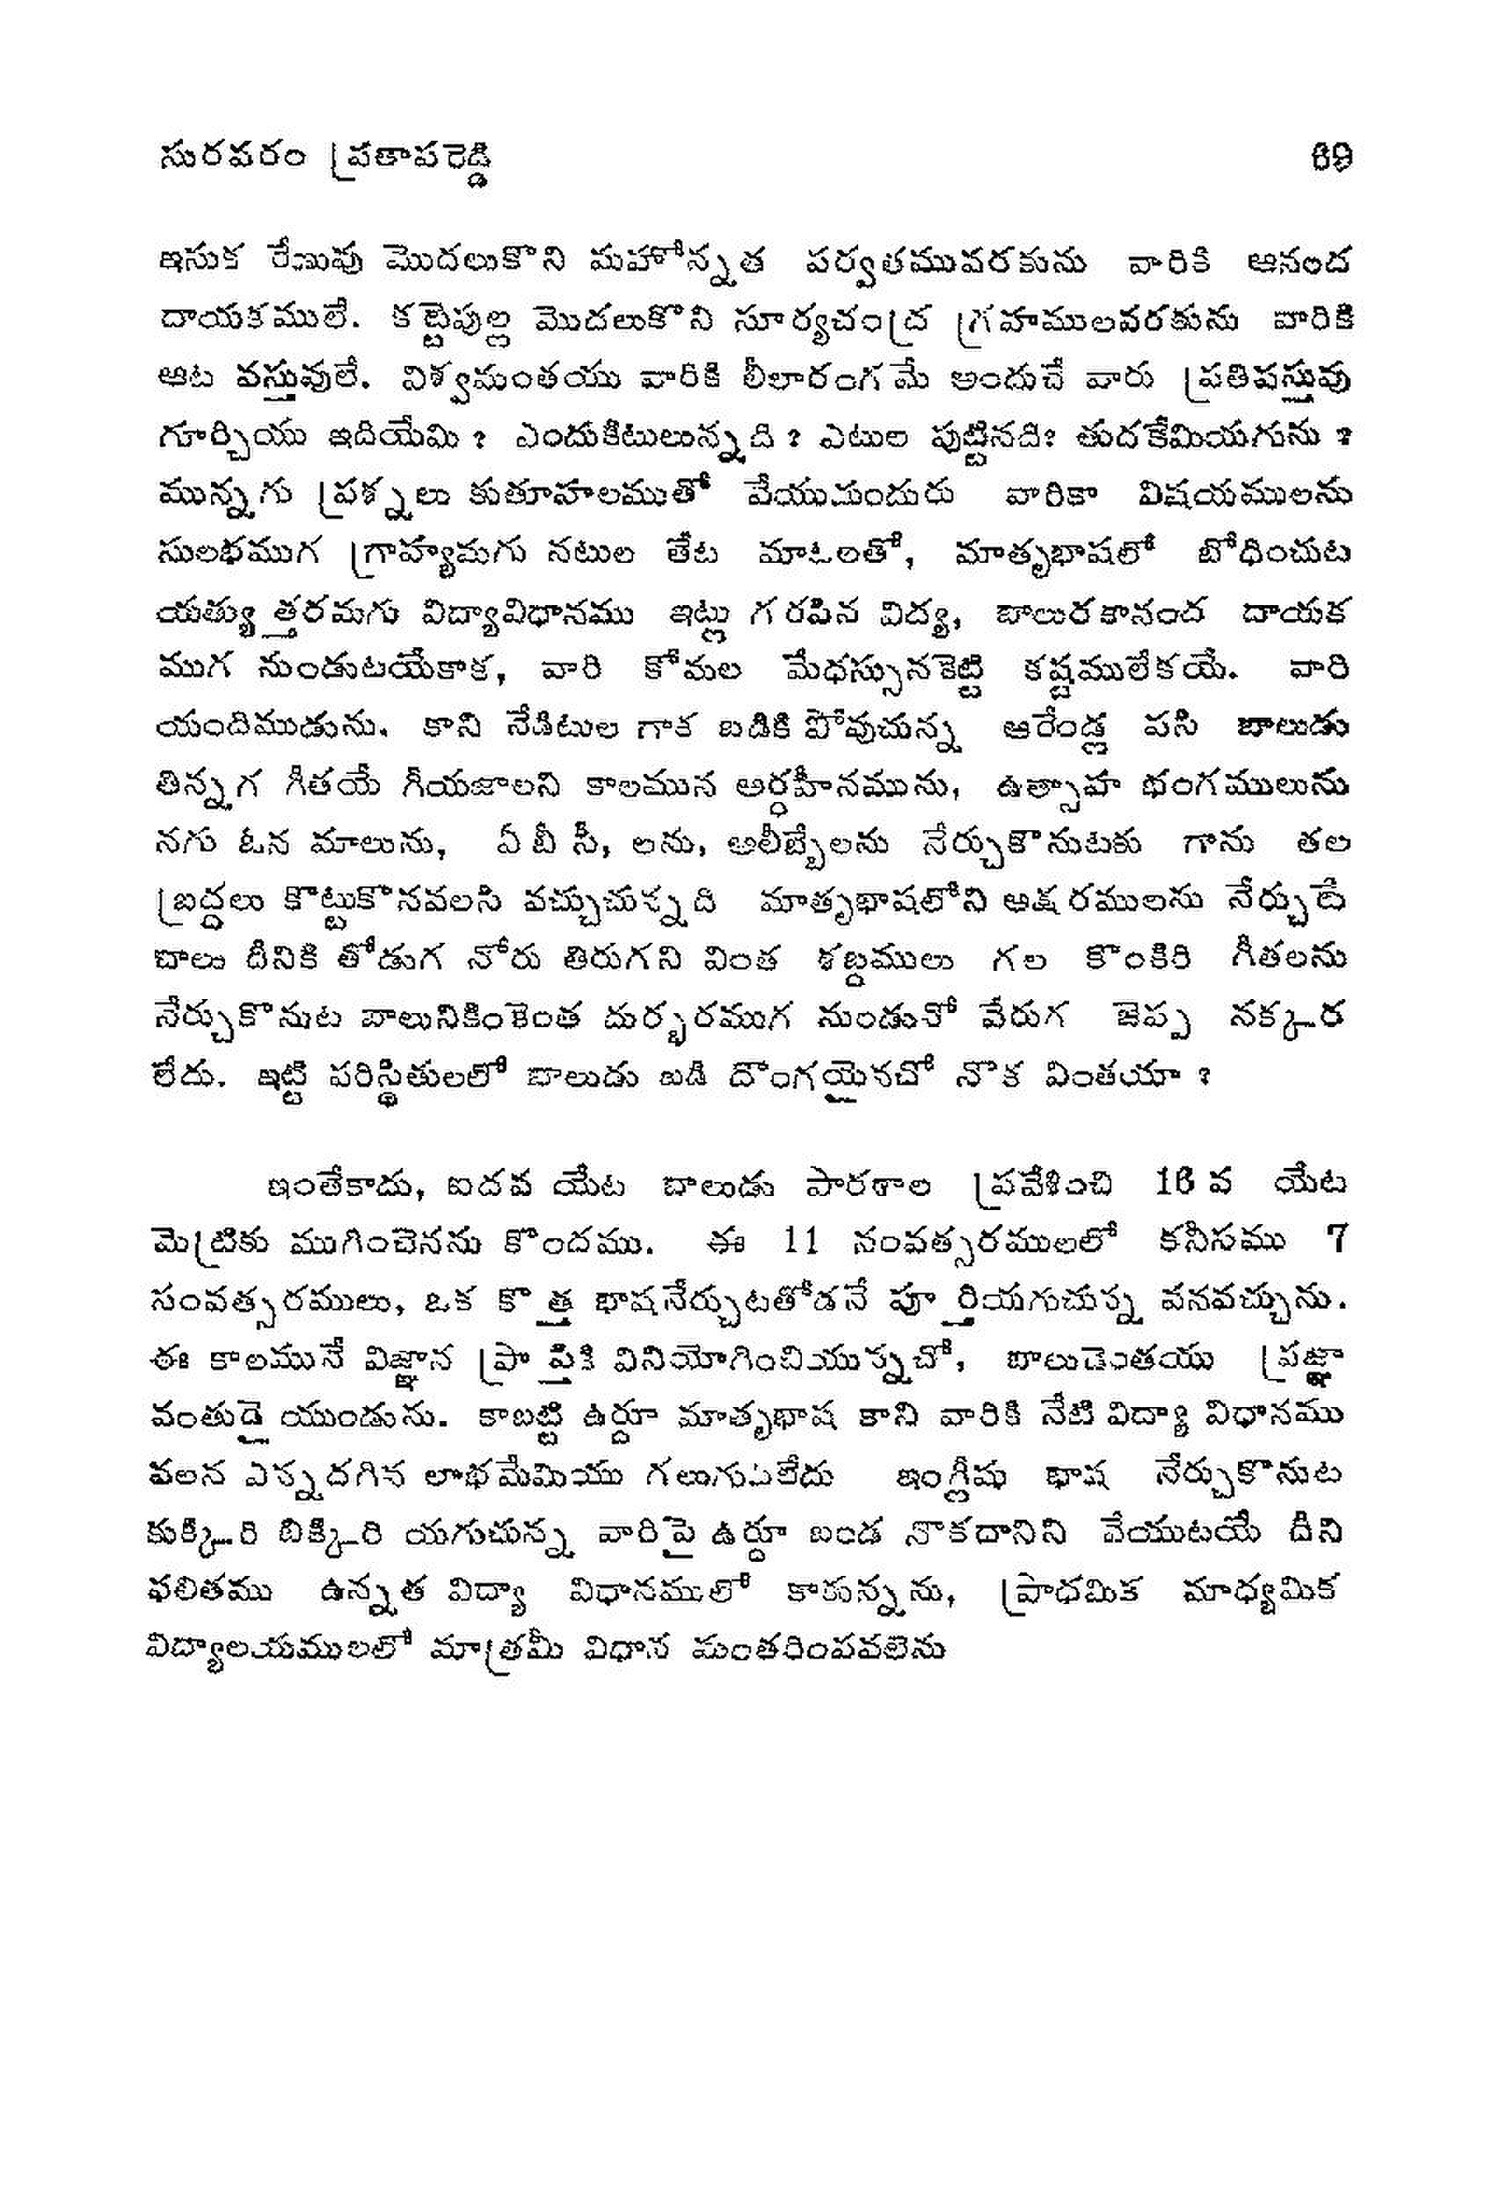ఇసుక రేణువు మొదలుకొని మహోన్నత పర్వతమువరకును వారికి ఆనందదాయకములే. కట్టెపుల్ల మొదలుకొని సూర్యచంద్ర గ్రహములవరకును వారికి ఆట వస్తువులే. విశ్వమంతయు వారికి లీలారంగమే అందుచే వారు ప్రతివస్తువు గూర్చియు ఇదియేమి ? ఎందుకిటులున్నది? ఎటుల పుట్టినది? తుదకేమియగును ? మున్నగు ప్రశ్నలు కుతూహలముతో వేయుచుందురు వారికా విషయములను సులభముగ గ్రాహ్యమగు నటుల తేట మాటలతో, మాతృభాషలో బోధించుట యత్యుత్తరమగు విద్యావిధానము ఇట్లు గరపిన విద్య, బాలురకానంద దాయకముగ నుండుటయేకాక, వారి కోమల మేధస్సునకెట్టి కష్టములేకయే. వారి యందిముడును. కాని నేడిటులు గాక బడికి పోవుచున్న ఆరేండ్ల పసి బాలుడు తిన్నగ గీతయే గీయజాలని కాలమున అర్థహీనమును, ఉత్సాహ భంగములును
నగు ఓన మాలును, ఏ బీ సీ, లను, అలీబ్బేలను నేర్చుకొనుటకు గాను తల బ్రద్దలు కొట్టుకొనవలసి వచ్చుచున్నది మాతృభాషలోని అక్షరములను నేర్చుటే చాలు దీనికి తోడుగ నోరు తిరుగని వింత శబ్దములు గల కొంకిరి గీతలను
నేర్చుకొనుట బాలునికింకెంత దుర్భరముగ నుండునో వేరుగ జెప్ప నక్కరలేదు. ఇట్టి పరిస్థితులలో బాలుడు బడి దొంగయైనచో నొక వింతయా ?

ఇంతేకాదు, ఐదవ యేట బాలుడు పాఠశాల ప్రవేశించి 16 వ యేట మెట్రికు ముగించెనను కొందము. ఈ 11 సంవత్సరములలో కనీసము 7 సంవత్సరములు, ఒక కొత్త భాషనేర్చుటతోడనే పూర్తియగుచున్న వనవచ్చును. ఈ కాలమునే విజ్ఞాన ప్రాప్తికి వినియోగించియున్నచో, బాలుడెంతయు ప్రజ్ఞావంతుడై యుండును. కాబట్టి ఉర్దూ మాతృభాష కాని వారికి నేటి విద్యా విధానము వలన ఎన్నదగిన లాభమేమియు గలుగుటలేదు ఇంగ్లీషు భాష నేర్చుకొనుట కుక్కిరి బిక్కిరి యగుచున్న వారిపై ఉర్దూ బండ నొకదానిని వేయుటయే దీని ఫలితము ఉన్నత విద్యా విధానములో కాకున్నను, ప్రాధమిక మాధ్యమిక విద్యాలయములలో మాత్రమీ విధాన మంతరింపవలెను